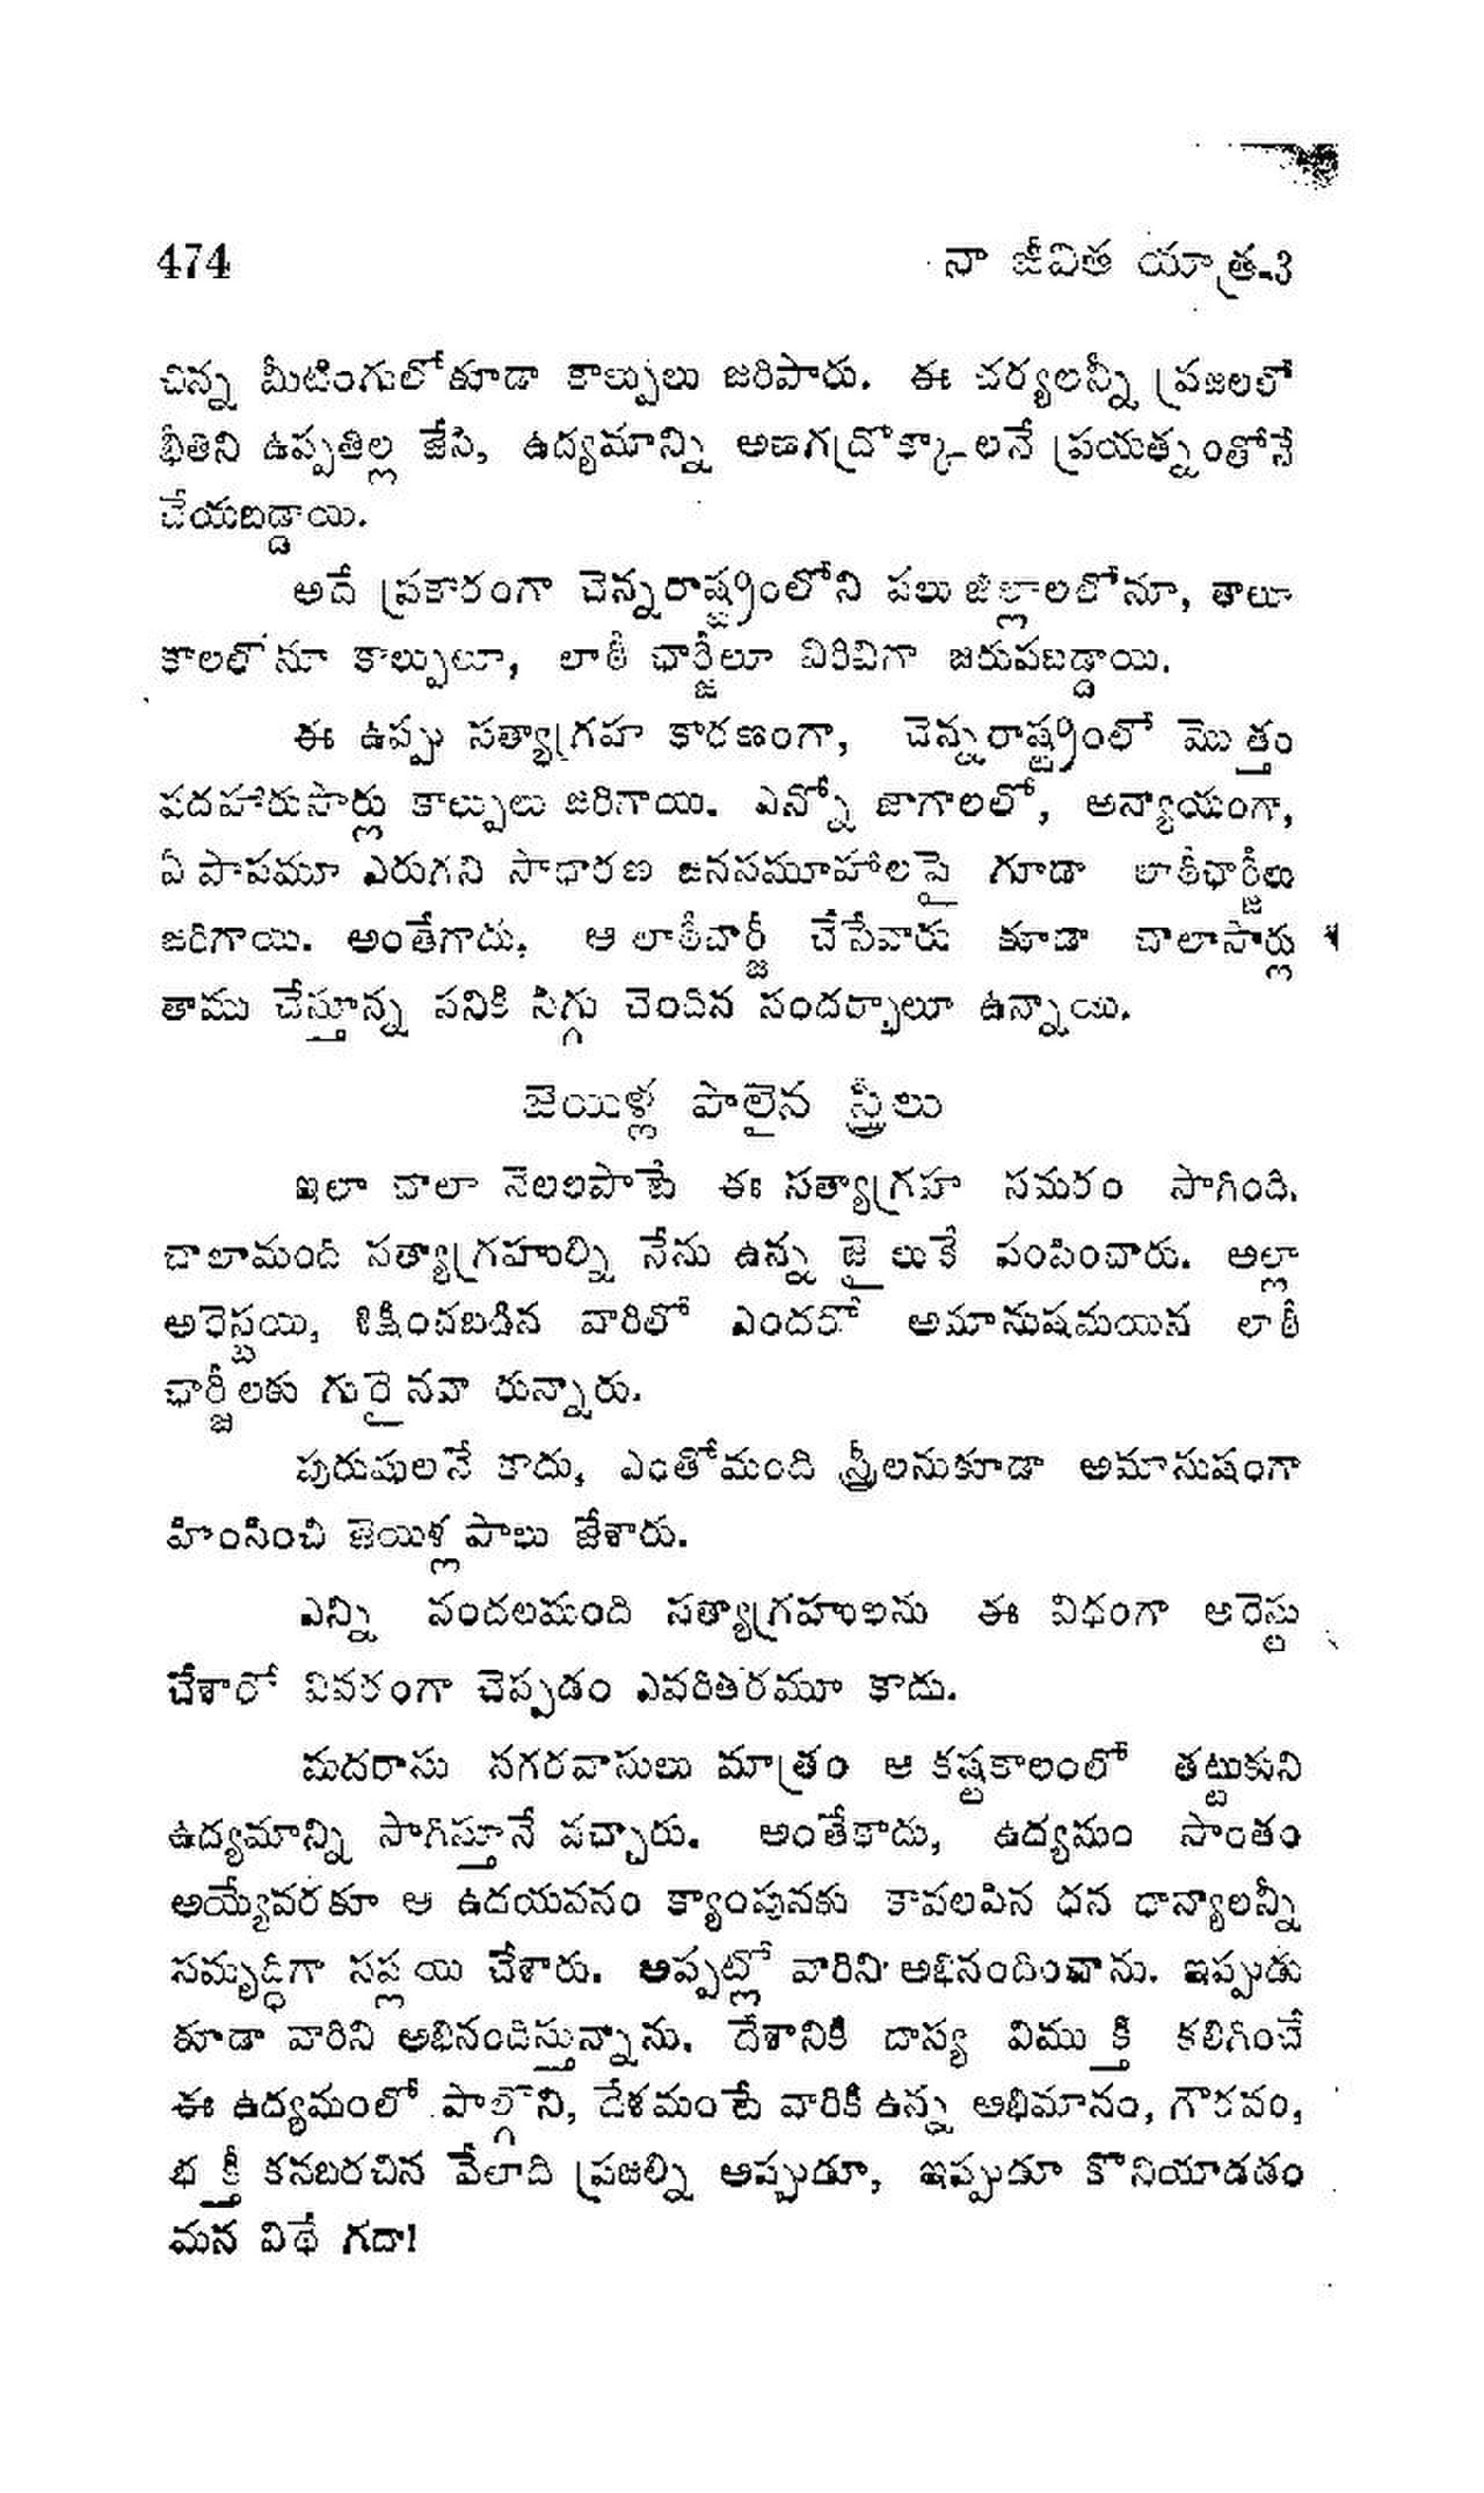చిన్న మీటింగులోకూడా కాల్పులు జరిపారు. ఈ చర్యలన్నీ ప్రజలలో భీతిని ఉప్పతిల్ల జేసి, ఉద్యమాన్ని అణగద్రొక్కాలనే ప్రయత్నంతోనే చేయబడ్డాయి.

అదే ప్రకారంగా చెన్నరాష్ట్రంలోని పలు జిల్లాలలోనూ, తాలూకాలలోనూ కాల్పులూ, లాఠీ చార్జీలు విరివిగా జరుపబడ్డాయి.

ఈ ఉప్పు సత్యాగ్రహ కారణంగా, చెన్నరాష్ట్రంలో మొత్తం పదహారుసార్లు కాల్పులు జరిగాయి. ఎన్నో జాగాలలో , అన్యాయంగా, ఏ పాపమూ ఎరుగని సాధారణ జనసమూహాలపై గూడా లాఠీఛార్జీలు జరిగాయి. అంతేగాదు, ఆ లాఠీచార్జీ చేసేవారు కూడా చాలాసార్లు తాము చేస్తున్న పనికి సిగ్గు చెందిన సందర్భాలూ ఉన్నాయి.

ఇలా చాలా నెలలపాటే ఈ సత్యాగ్రహ సమరం సాగింది. చాలామంది సత్యాగ్రహుల్ని నేను ఉన్న జైలుకే పంపించారు. అల్లా అరెస్టయి, శిక్షించబడిన వారిలో ఎందరో అమానుషమయిన లాఠీఛార్జీలకు గురైనవా రున్నారు.

పురుషులనే కాదు, ఎంతోమంది స్త్రీలనుకూడా అమానుషంగా హింసించి జెయిళ్ల పాలు జేశారు.

ఎన్ని వందలమంది సత్యాగ్రహులను ఈ విధంగా అరెస్టు చేశారో వివరంగా చెప్పడం ఎవరితరమూ కాదు.

మదరాసు నగరవాసులు మాత్రం ఆ కష్టకాలంలో తట్టుకుని ఉద్యమాన్ని సాగిస్తూనే వచ్చారు. అంతేకాదు, ఉద్యమం సాంతం అయ్యేవరకూ ఆ ఉదయవనం క్యాంపునకు కావలసిన ధన దాన్యాలన్నీ సమృద్ధిగా సప్లయి చేశారు. అప్పట్లో వారిని అభినందించాను. ఇప్పుడు కూడా వారిని అభినందిస్తున్నాను. దేశానికి దాస్య విముక్తి కలిగించే ఈ ఉద్యమంలో పాల్గొని, దేశమంటే వారికి ఉన్న అభిమానం, గౌరవం, భక్తీ కనబరచిన వేలాది ప్రజల్ని అప్పుడూ, ఇప్పుడూ కొనియాడడం మన విథే గదా!